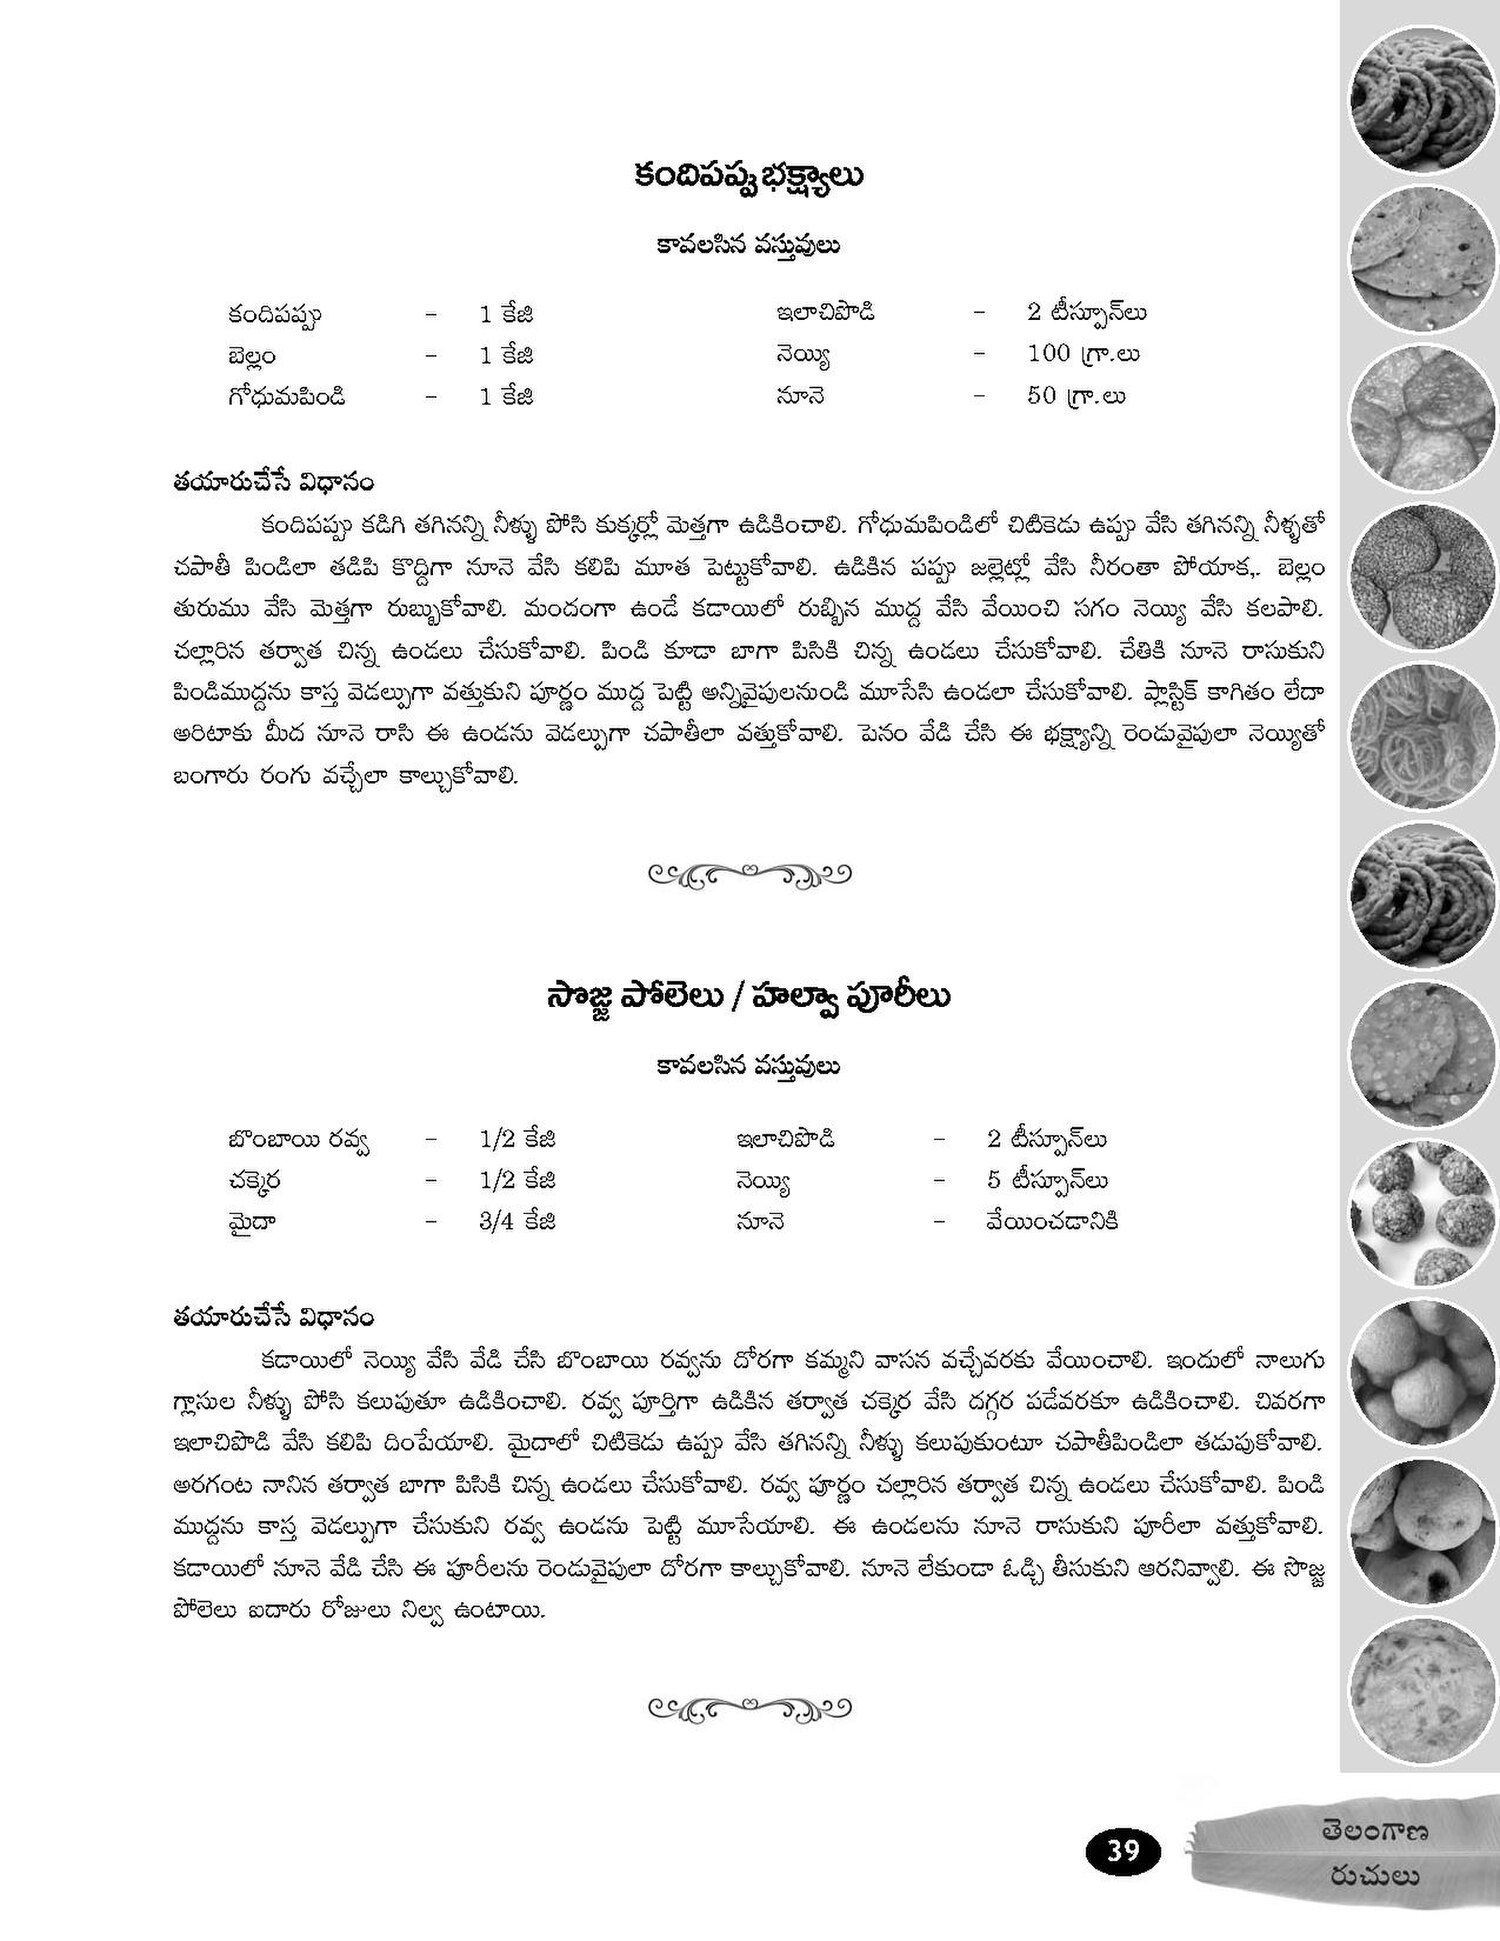+ కావలసిన వస్తువులు కందిపప్పు 1 కేజి నెయ్యి 100 గ్రా.లు బెల్లం 1 కేజి గొధుమ పిండి 1 కేజి ఇలాచి పొడి 2 టీస్పూన్లు నూనె 50 గ్రా. లు
తయారుచేసే విధానం 

కందిపప్పు కడిగి తగినన్ని నీళ్ళు పోసి కుక్కర్లో మెత్తగా ఉడికించాలి. గోధుమపిండిలో చిటికెడు ఉప్పు వేసి తగినన్ని నీళ్ళతో చపాతీ పిండిలా తడిపి కొద్దిగా నూనె వేసి కలిపి మూత పెట్టుకోవాలి. ఉడికిన పప్పు జల్లెట్లో వేసి నీరంతా పోయాక,. బెల్లం తురుము వేసి మెత్తగా రుబ్బుకోవాలి. మందంగా ఉండే కడాయిలో రుబ్బిన ముద్ద వేసి వేయించి సగం నెయ్యి వేసి కలపాలి. చల్లారిన తర్వాత చిన్న ఉండలు చేసుకోవాలి. పిండి కూడా బాగా పిసికి చిన్న ఉండలు చేసుకోవాలి. చేతికి నూనె రాసుకుని పిండిముద్దను కాస్త వెడల్పుగా వత్తుకుని పూర్ణం ముద్ద పెట్టి అన్నివైపులనుండి మూసేసి ఉండలా చేసుకోవాలి. ప్లాస్టిక్ కాగితం లేదా అరిటాకు మీద నూనె రాసి ఈ ఉండను వెడల్పుగా చపాతీలా వత్తుకోవాలి. పెనం వేడి చేసి ఈ భక్ష్యాన్ని రెండువైపులా నెయ్యితో బంగారు రంగు వచ్చేలా కాల్చుకోవాలి.

+ కావలసిన వస్తువులు బొంబాయి రవ్వ 1/2 కేజి నెయ్యి 5 టీస్పూన్లు చక్కెర 1/2 కేజి మైదా 3/4 కేజి ఇలాచి పొడి 2 టీస్పూన్లు నూనె వేయించడానికి

తయారుచేసే విధానం 

కడాయిలో నెయ్యి వేసి వేడి చేసి బొంబాయి రవ్వను దోరగా కమ్మని వాసన వచ్చేవరకు వేయించాలి. ఇందులో నాలుగు
గ్లాసుల నీళ్ళు పోసి కలుపుతూ ఉడికించాలి. రవ్వ పూర్తిగా ఉడికిన తర్వాత చక్కెర వేసి దగ్గర పడేవరకూ ఉడికించాలి. చివరగా ఇలాచిపొడి వేసి కలిపి దింపేయాలి. మైదాలో చిటికెడు ఉప్పు వేసి తగినన్ని నీళ్ళు కలుపుకుంటూ చపాతీ పిండిలా తడుపుకోవాలి. అరగంట నానిన తర్వాత బాగా పిసికి చిన్న ఉండలు చేసుకోవాలి. రవ్వ పూర్ణం చల్లారిన తర్వాత చిన్న ఉండలు చేసుకోవాలి. పిండి ముద్దను కాస్త వెడల్పుగా చేసుకుని రవ్వ ఉండను పెట్టి మూసేయాలి. ఈ ఉండలను నూనె రాసుకుని పూరీలా వత్తుకోవాలి. కడాయిలో నూనె వేడి చేసి ఈ పూరీలను రెండువైపులా దోరగా కాల్చుకోవాలి. నూనె లేకుండా ఓడ్చి తీసుకుని ఆరనివ్వాలి. ఈ సొజ్జ పోలెలు ఐదారు రోజులు నిల్వ ఉంటాయి.